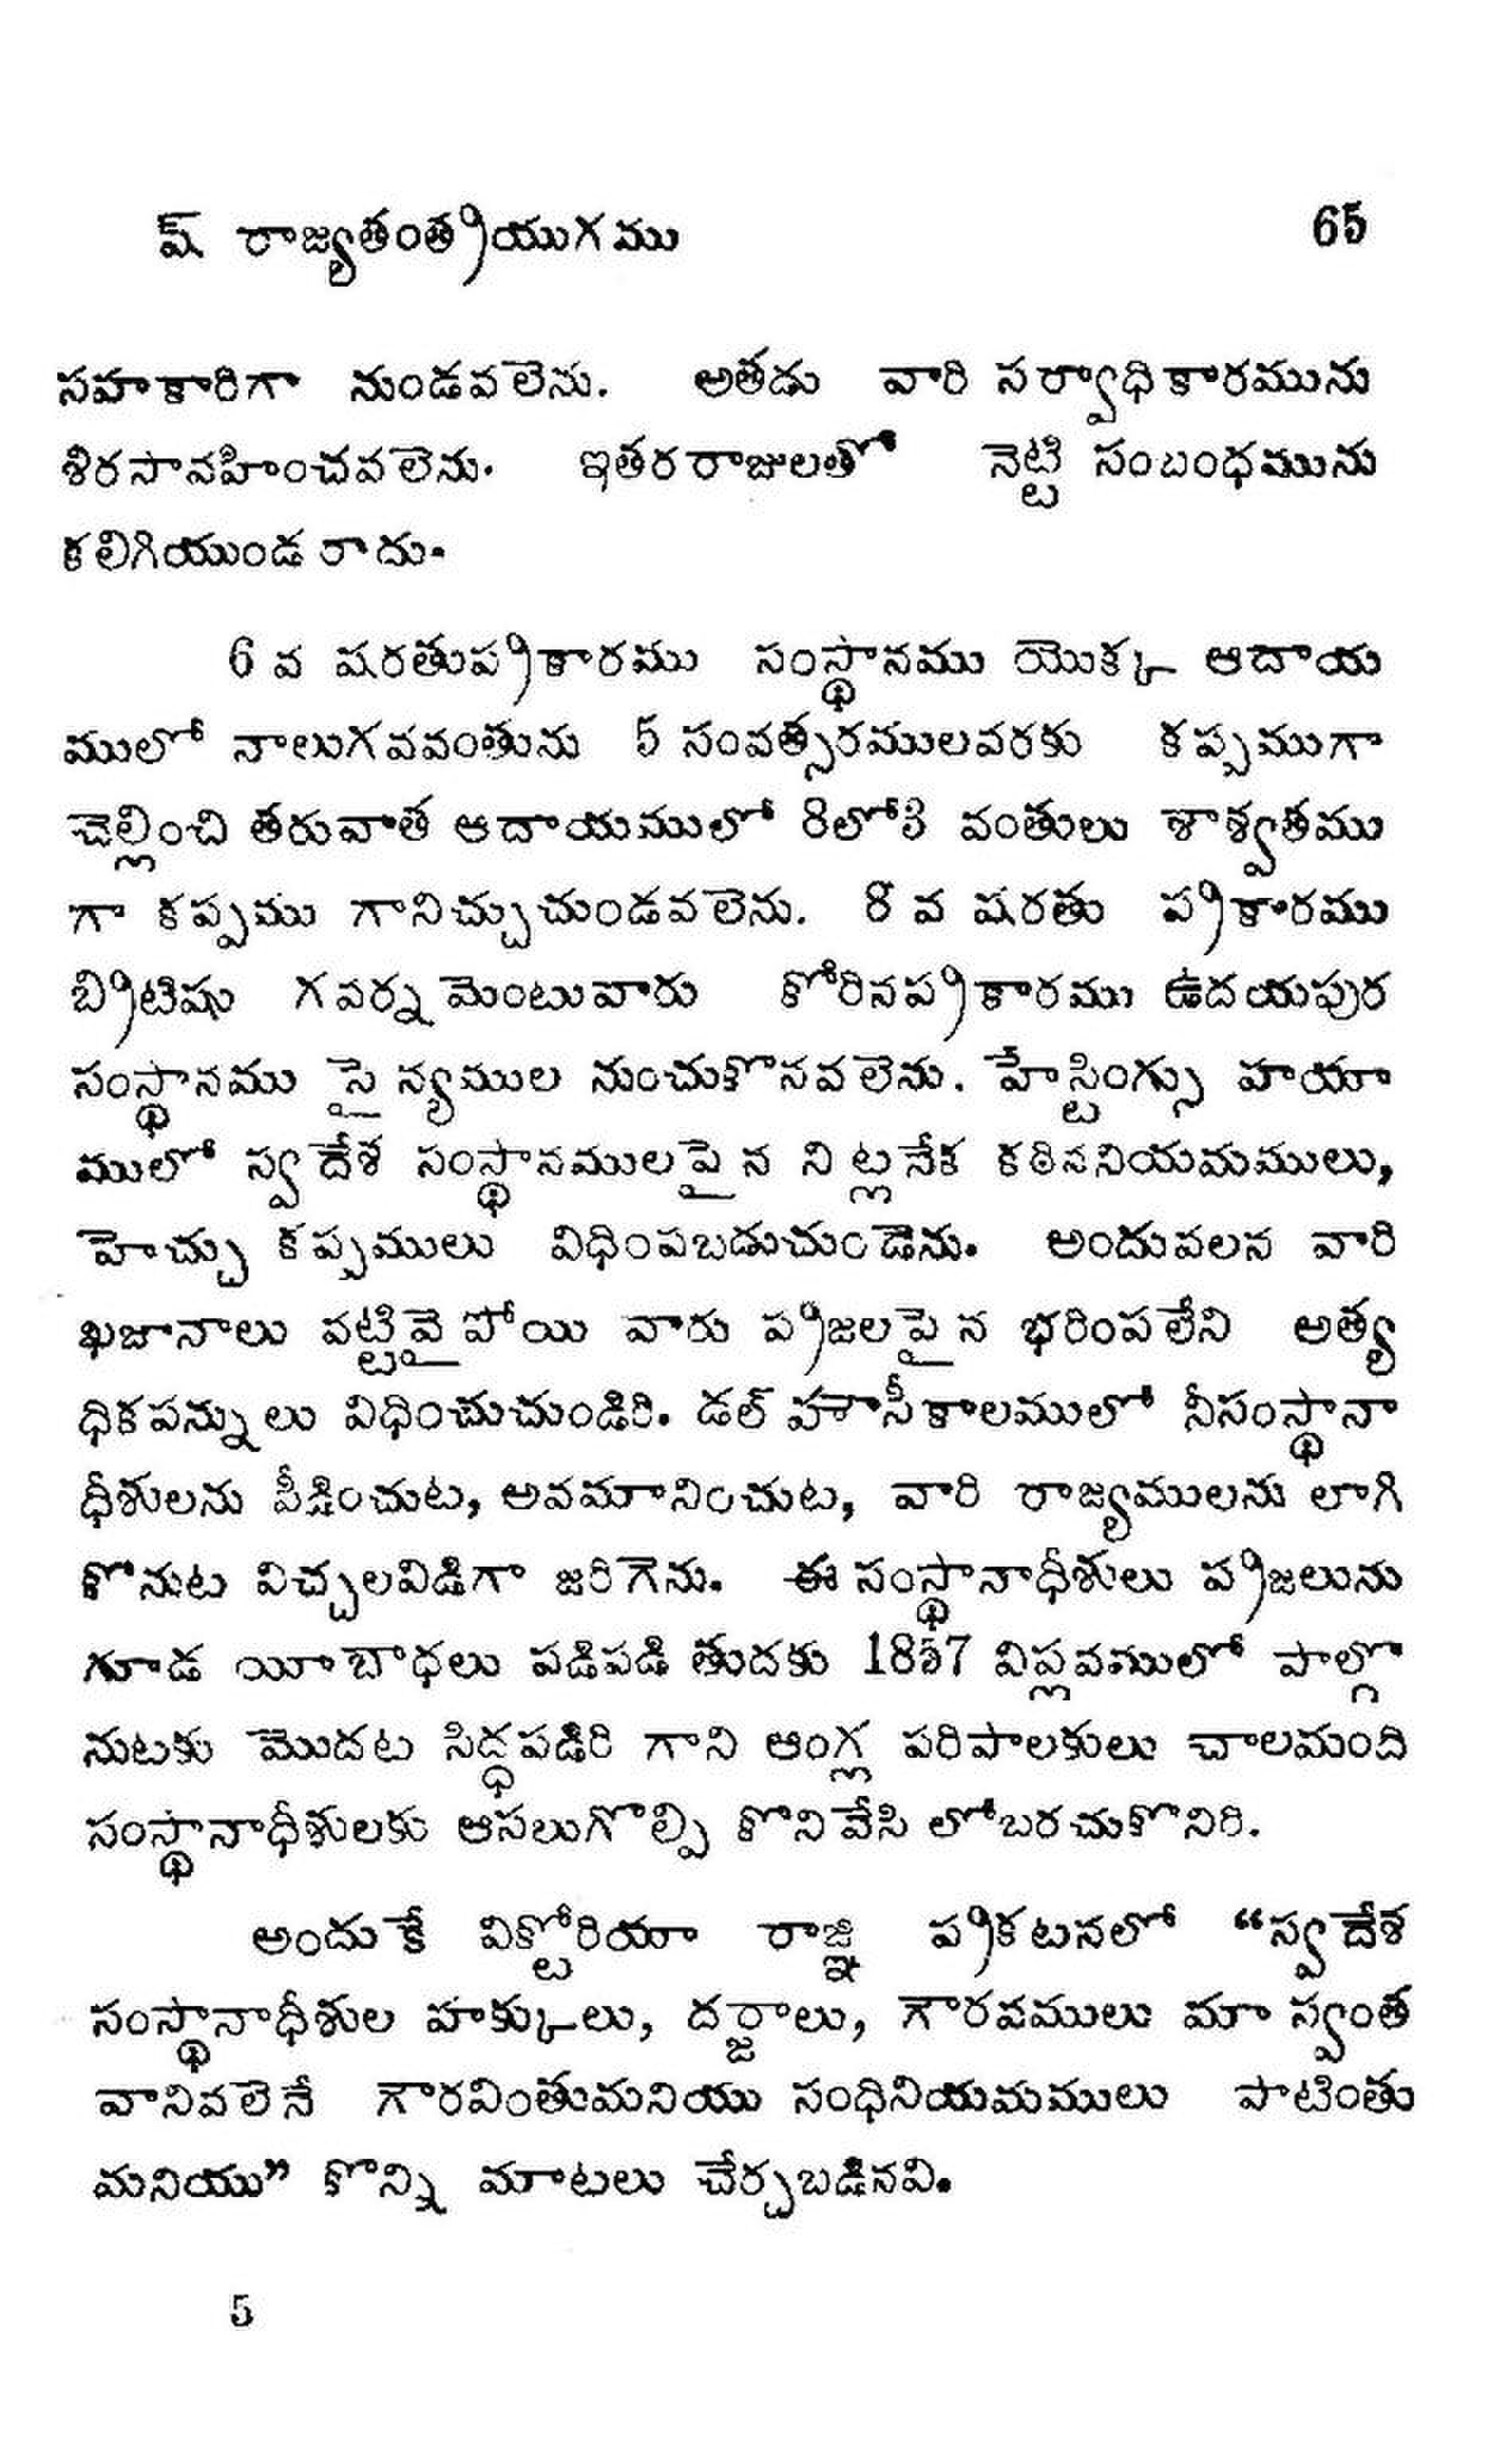సహకారిగా నుండవలెను. అతడు వారి సర్వాధికారమును శిరసావహించవలెను. ఇతరరాజులతో నెట్టి సంబంధమును కలిగియుండరాదు.

6 వ షరతుప్రకారము సంస్థానము యొక్క ఆదాయములో నాలుగవవంతును 5 సంవత్సరములవరకు కప్పముగా చెల్లించి తరువాత ఆదాయములో 8లో 3 వంతులు శాశ్వతముగా కప్పము గానిచ్చుచుండవలెను. 8 వ షరతు ప్రకారము బిటిషు గవర్నమెంటువారు కోరినప్రకారము ఉదయపుర సంస్థానము సైన్యముల నుంచుకొనవలెను. హేస్టింగ్సు హయాములో స్వదేశ సంస్థానములపైన నిట్లనేక కఠిననియమములు, హెచ్చు కప్పములు విధింపబడుచుండెను. అందువలన వారి ఖజానాలు వట్టివైపోయి వారు ప్రజలపైన భరింపలేని అత్యధికపన్నులు విధించుచుండిరి. డల్‌హౌసీకాలములో నీసంస్థానాధీశులను పీడించుట, అవమానించుట, వారి రాజ్యములను లాగికొనుట విచ్చలవిడిగా జరిగెను. ఈ సంస్థానాధీశులు ప్రజలును గూడ యీబాధలు పడిపడి తుదకు 1857 విప్లవములో పాల్గొనుటకు మొదట సిద్ధపడిరి గాని ఆంగ్ల పరిపాలకులు చాలమంది సంస్థానాధీశులకు ఆసలుగొల్పి కొనివేసి లోబరచుకొనిరి.

అందుకే విక్టోరియా రాజ్ఞి ప్రకటనలో "స్వదేశ సంస్థానాధీశుల హక్కులు, దర్జాలు, గౌరవములు మా స్వంతవానివలెనే గౌరవింతుమనియు సంధినియమములు పాటింతుమనియు” కొన్ని మాటలు చేర్చబడినవి.